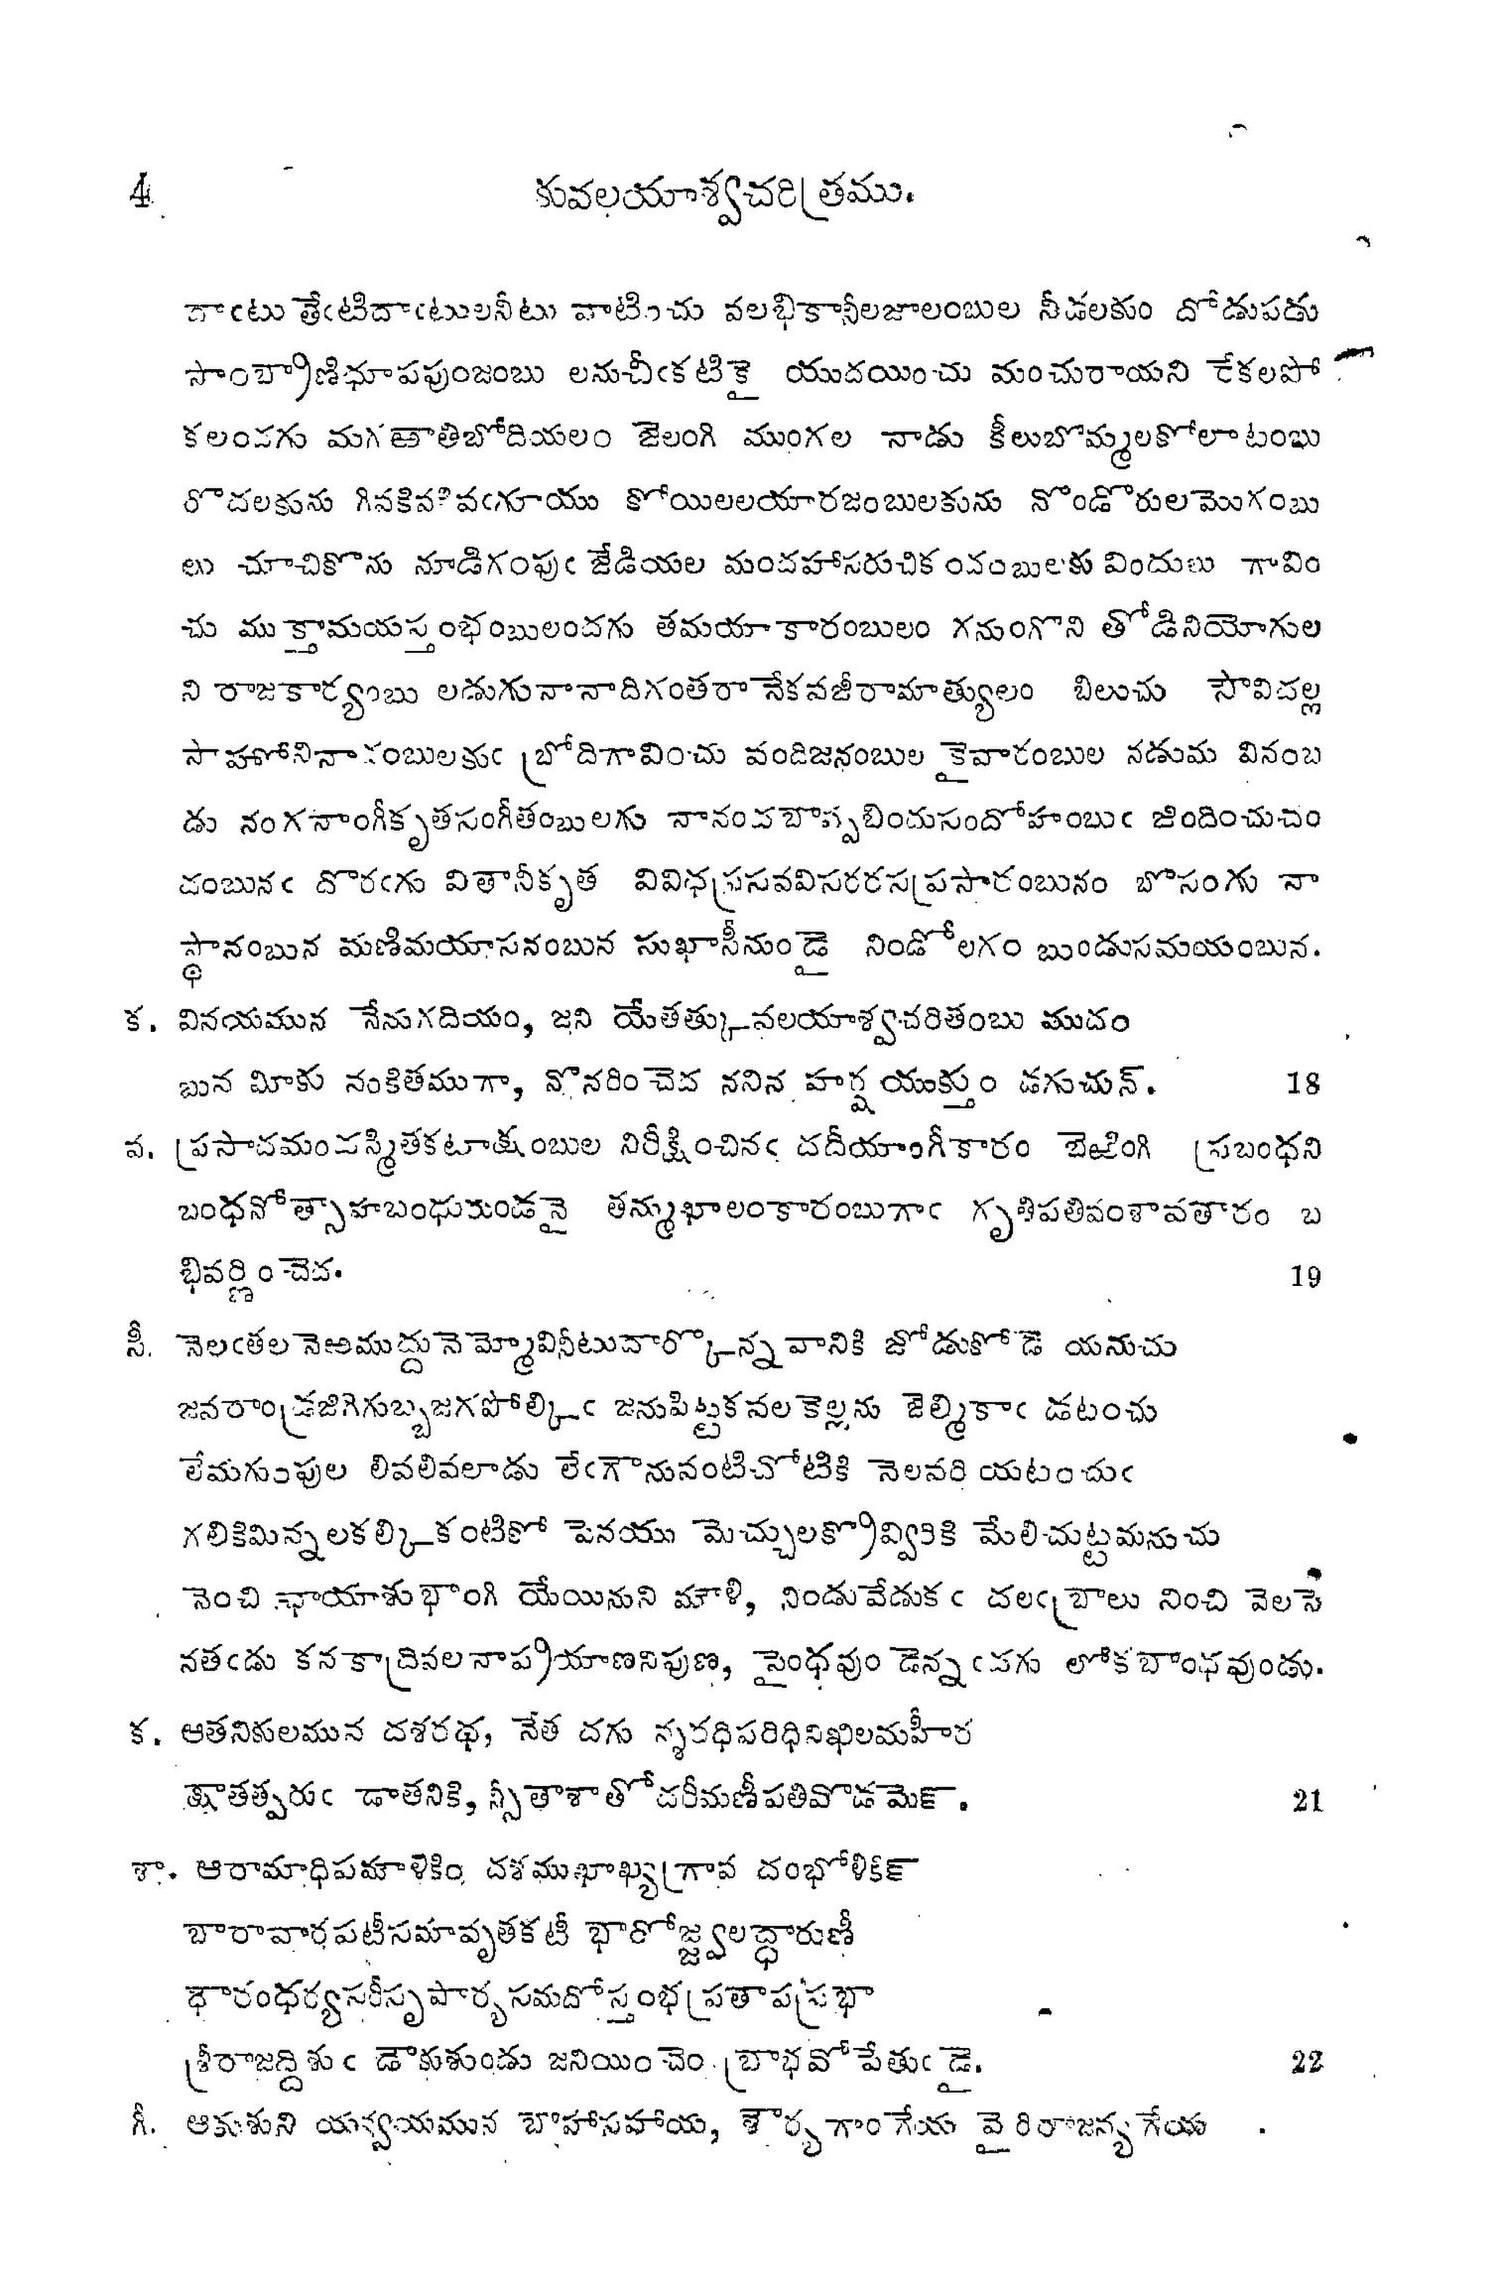దాఁటు తేఁటిదాఁటులనీటు వాటించు వలభికానీలజూలంబుల నీడలకుం దోడుపడు
సాంబ్రాణిధూపపుంజంబు లనుచీఁకటికై యుదయించు మంచురాయని రేకలపో
కలందగు మగఱాతిబోదియలం జెలంగి ముంగల నాడు కీలుబొమ్మలకోలాటంబు
రొదలకును గివకివకివఁగూయు కోయిలలయారజంబులకును నొండొరులమొగంబు
లు చూచికొను నూడిగంపుఁజేడియల మందహాసరుచికందంబులకు విందులు గావిం
చు ముక్తామయస్తంభంబులందగు తమయాకారంబులం గనుంగొని తోడినియోగుల
ని రాజకార్యబు లడుగునానాదిగంతరానేకవజీరామాత్యులం బిలుచు సౌవిదల్ల
సాహోనినాదంబులకుఁ బ్రోదిగావించు వందిజనంబుల కైవారంబుల నడుమ వినంబ
డు నంగనాంగీకృతసంగీతంబు లగు నానందబాష్పబిందుసందోహంబుఁ జిందించుచం
దంబునఁ దొరఁగు వితానీకృతవివిధప్రసవవిసరరసప్రసారంబునం బొసంగు నా
స్థానంబున మణిమయాసనంబున సుఖాసీనుండై నిండోలగం బుండుసమయంబున.
క. వినయమున నేను గదియం, జని యేతత్కువలయాశ్వచరితంబు ముదం
బున మీకు నంకితముగా, నొనరించెద ననిన హర్షయుక్తుం డగుచున్.
వ. ప్రసాదమందస్మితకటాక్షంబుల నిరీక్షించినఁ దదీయాంగీకారం బెఱింగి ప్రబంధని
బంధనోత్సాహబంధురుండనై తన్ముఖాలంకారంబుగాఁ గృశిపతివంశావతారం బ
భివర్ణించెద.
సీ. నెలఁతలనెఱముద్దునెమ్మోవినీటుదార్కొన్నవానికి జోడుకోడె యనుచు
జనరాండ్రజిగిగుబ్బజగపోల్కిఁ జనుపిట్టకవలకెల్లను జెల్మికాఁ డటంచు
లేమగుంపుల లివలివలాడు లేఁగౌనునంటిచోటికి నెలవరి యటంచుఁ
గలికిమిన్నలకల్కికంటికో పెనయు మెచ్చులక్రొవ్విరికి మేలిచుట్ట మనుచు
నెంచి ఛాయాశుభాంగి యేయినుని మౌళి, నిండువేడుకఁ దలఁబ్రాలు నించి వెలసె
నతఁడు కనకాద్రివలనాప్రయాణనిపుణ, సైంధవుం డెన్నఁదగు లోకబాంధవుండు.
క. ఆతనికులమున దశరథ, నేత దగు న్శరధిపరిధినిఖిలమహీర
క్షాతత్పరుఁ డాతనికి, న్సీతాశాతోదరీమణీపతి వొడమెన్.
శా. ఆరామాధిపమౌళికిం దశముఖాఖ్యగ్రావదంభోళిన్
బారావారపటీసమావృతకటీభారోజ్జ్వలద్ధారుణీ
ధౌరంధర్యసరీసృపార్యసమదోస్తంభప్రతాపప్రభా
శ్రీరాజద్దిశుఁ డౌకుశుండు జనియించెం బ్రాభవోపేతుఁడై.
గీ. ఆకుశుని యన్వయమున బాహాసహాయ, శౌర్యగాంగేయ వైరిరాజన్యగేయ